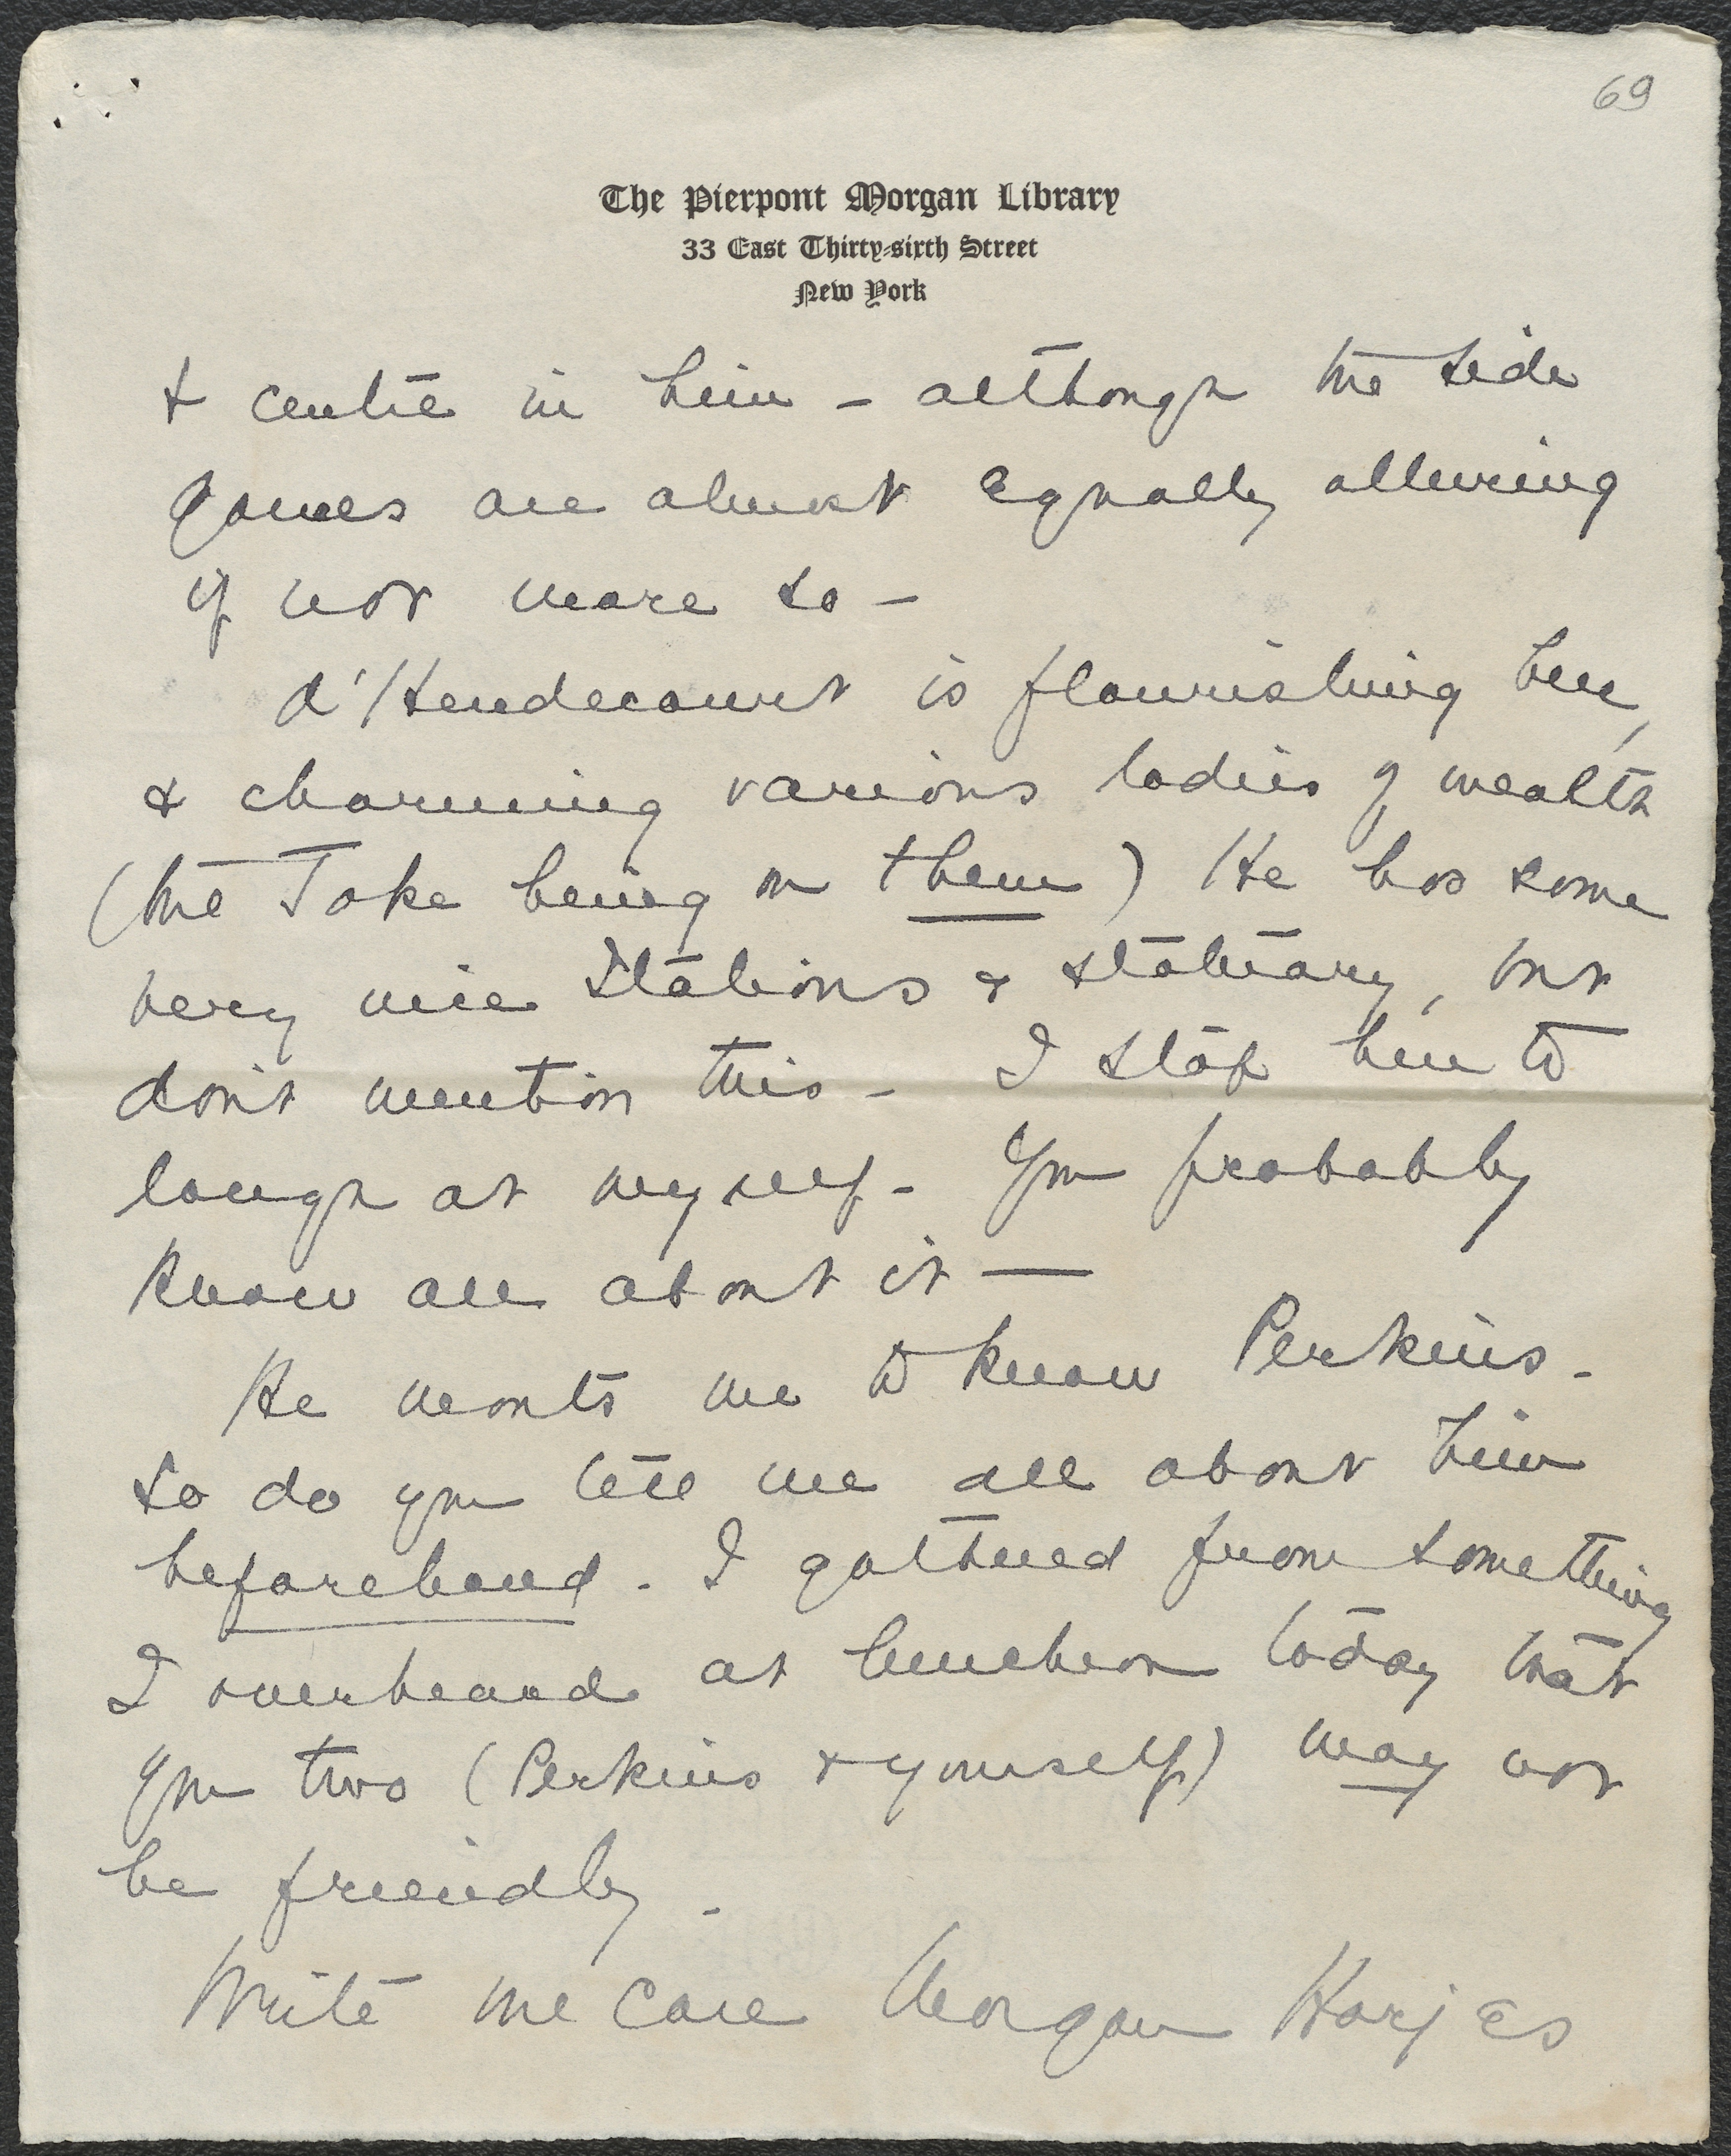& centre in him – although the side games are almost equally alluring if not more so –
d'Hendecourt is flourishing here, & charming various ladies of wealth (the Joke being on them) He has some very nice Italians & statuary, but don't mention this – I stop here to laugh at myself. You probably know all about it –
He wants me to know Perkins, so do you tell me all about him beforehand. I gathered from something I overheard at luncheon today that you two (Perkins & yourself) may not be friendly.
Write me care Morgan Harjes